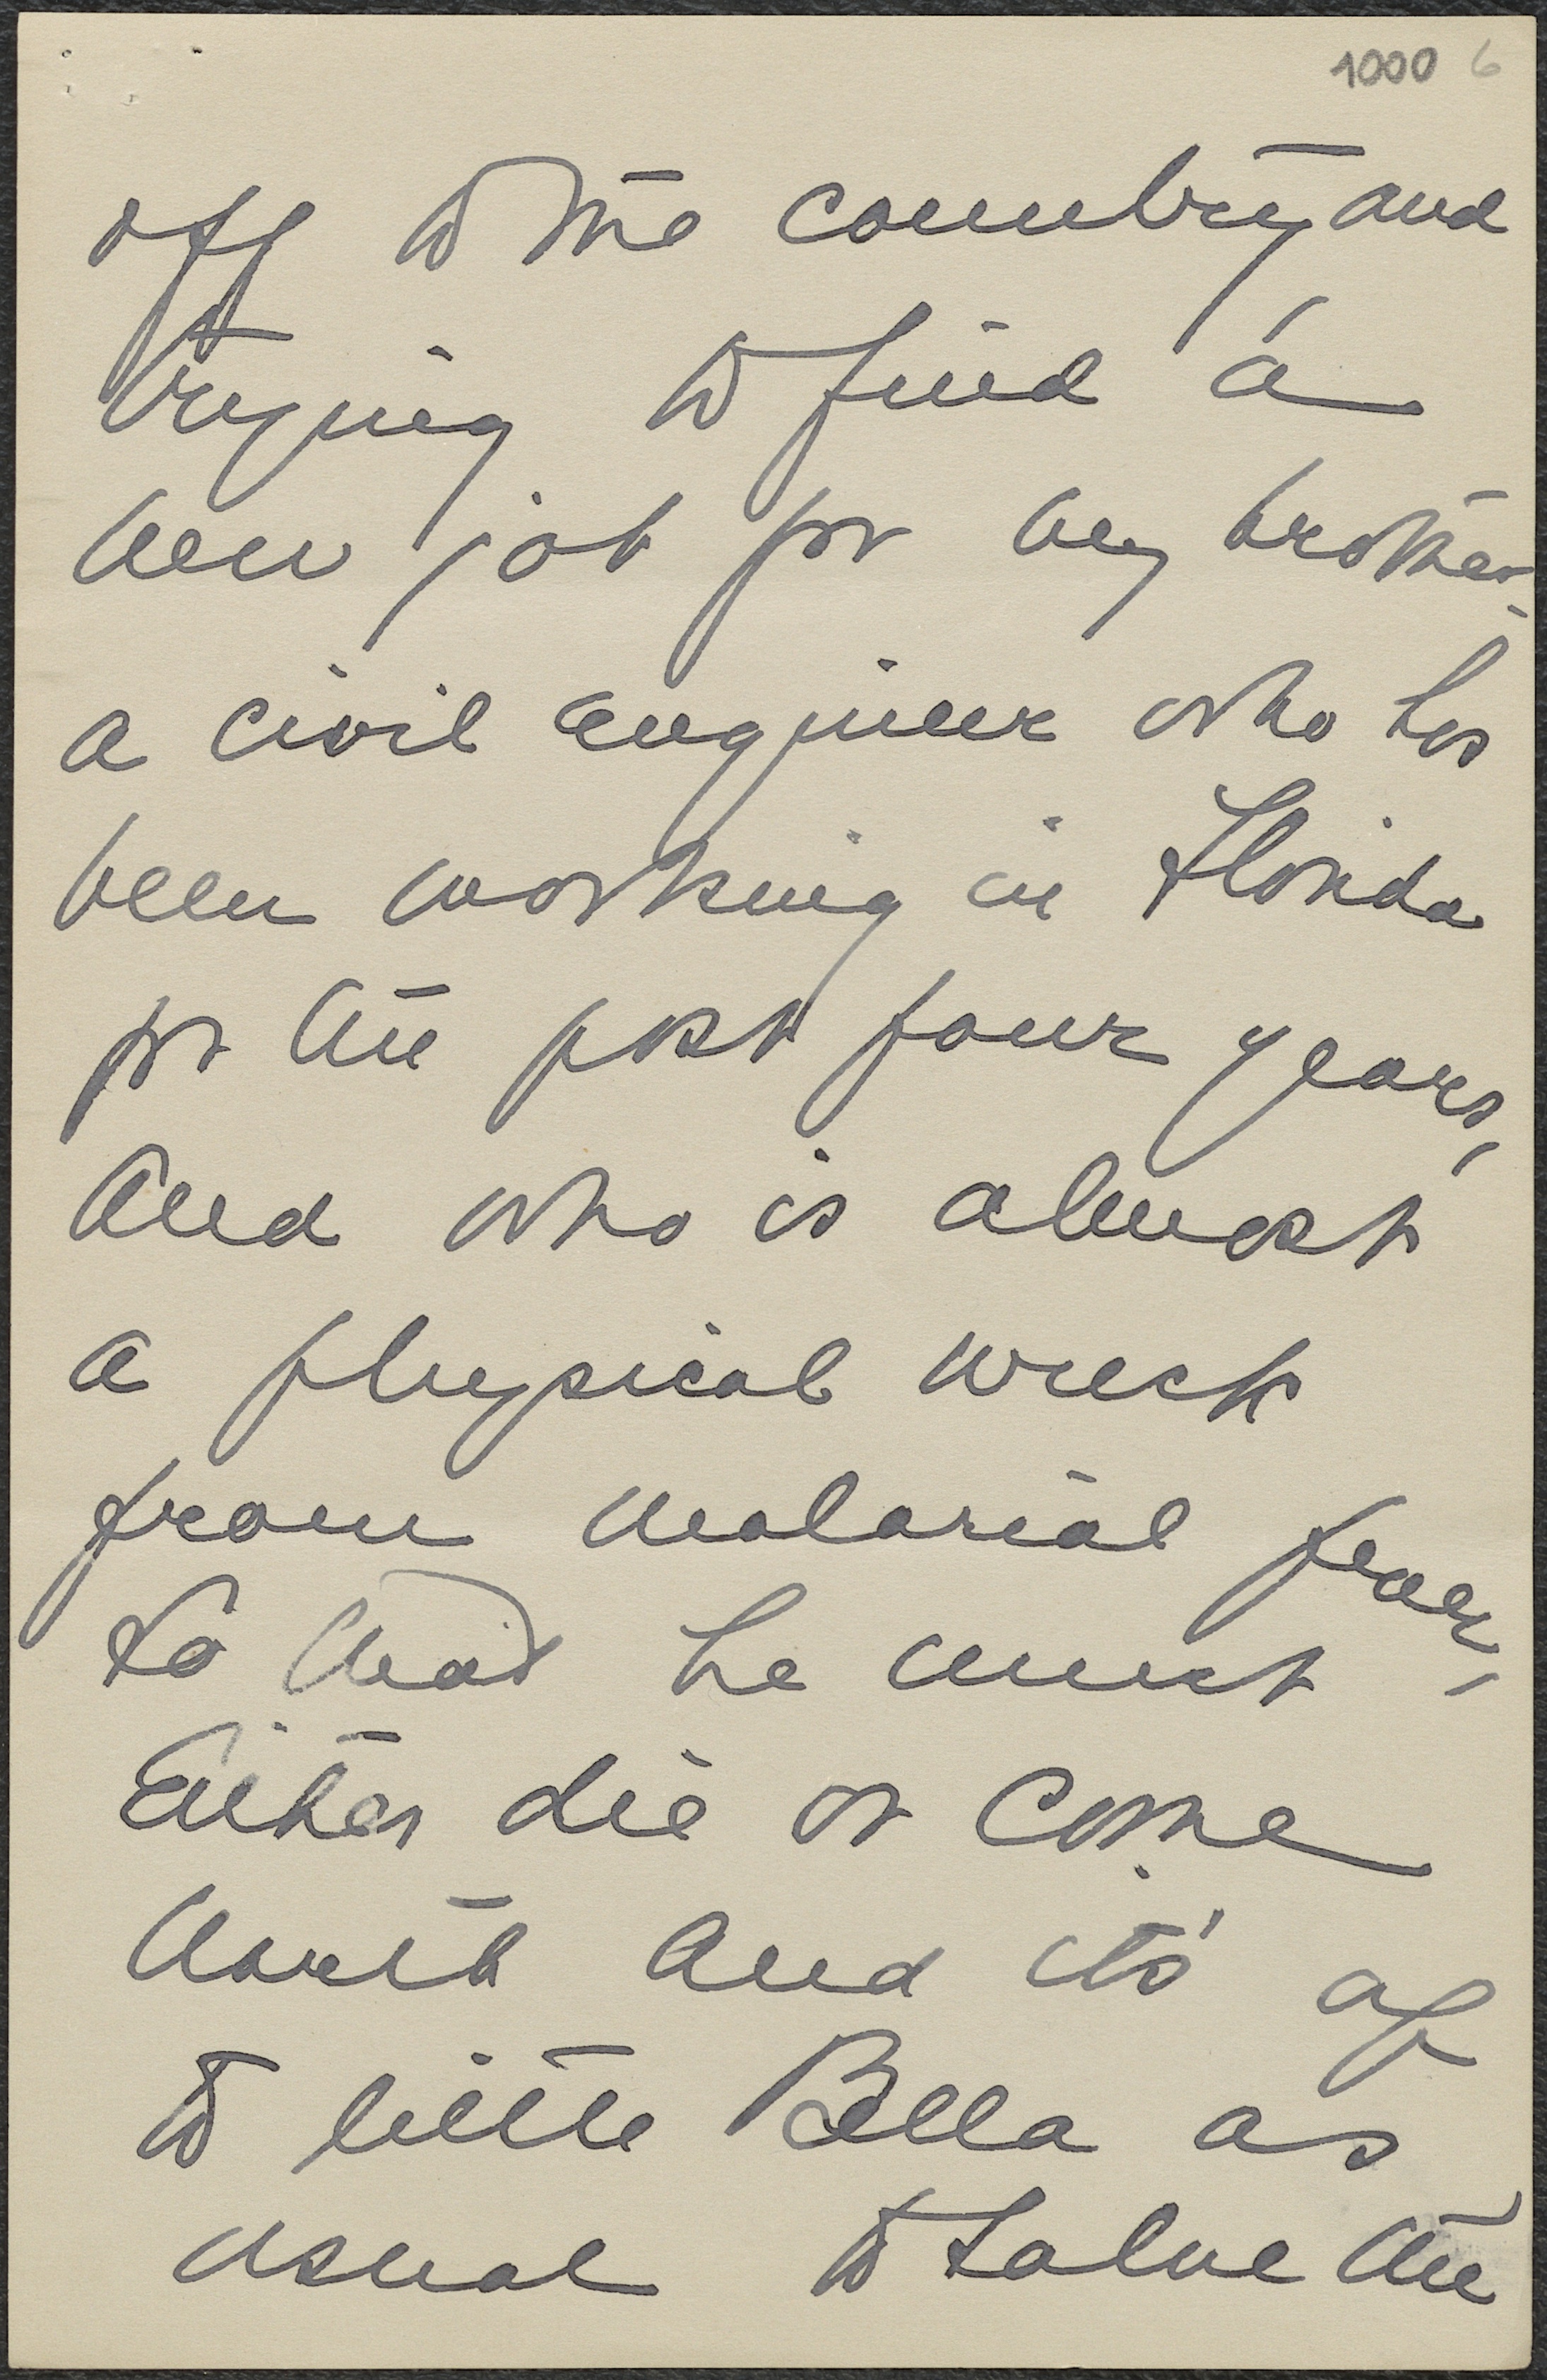off to the country, and trying to find a new job for my brother – a civil engineer who has been working in Florida for the past four years, and who is almost a physical wreck from malarial fear, so that he must either die or come north and it’s up to little Bella as usual to solve the